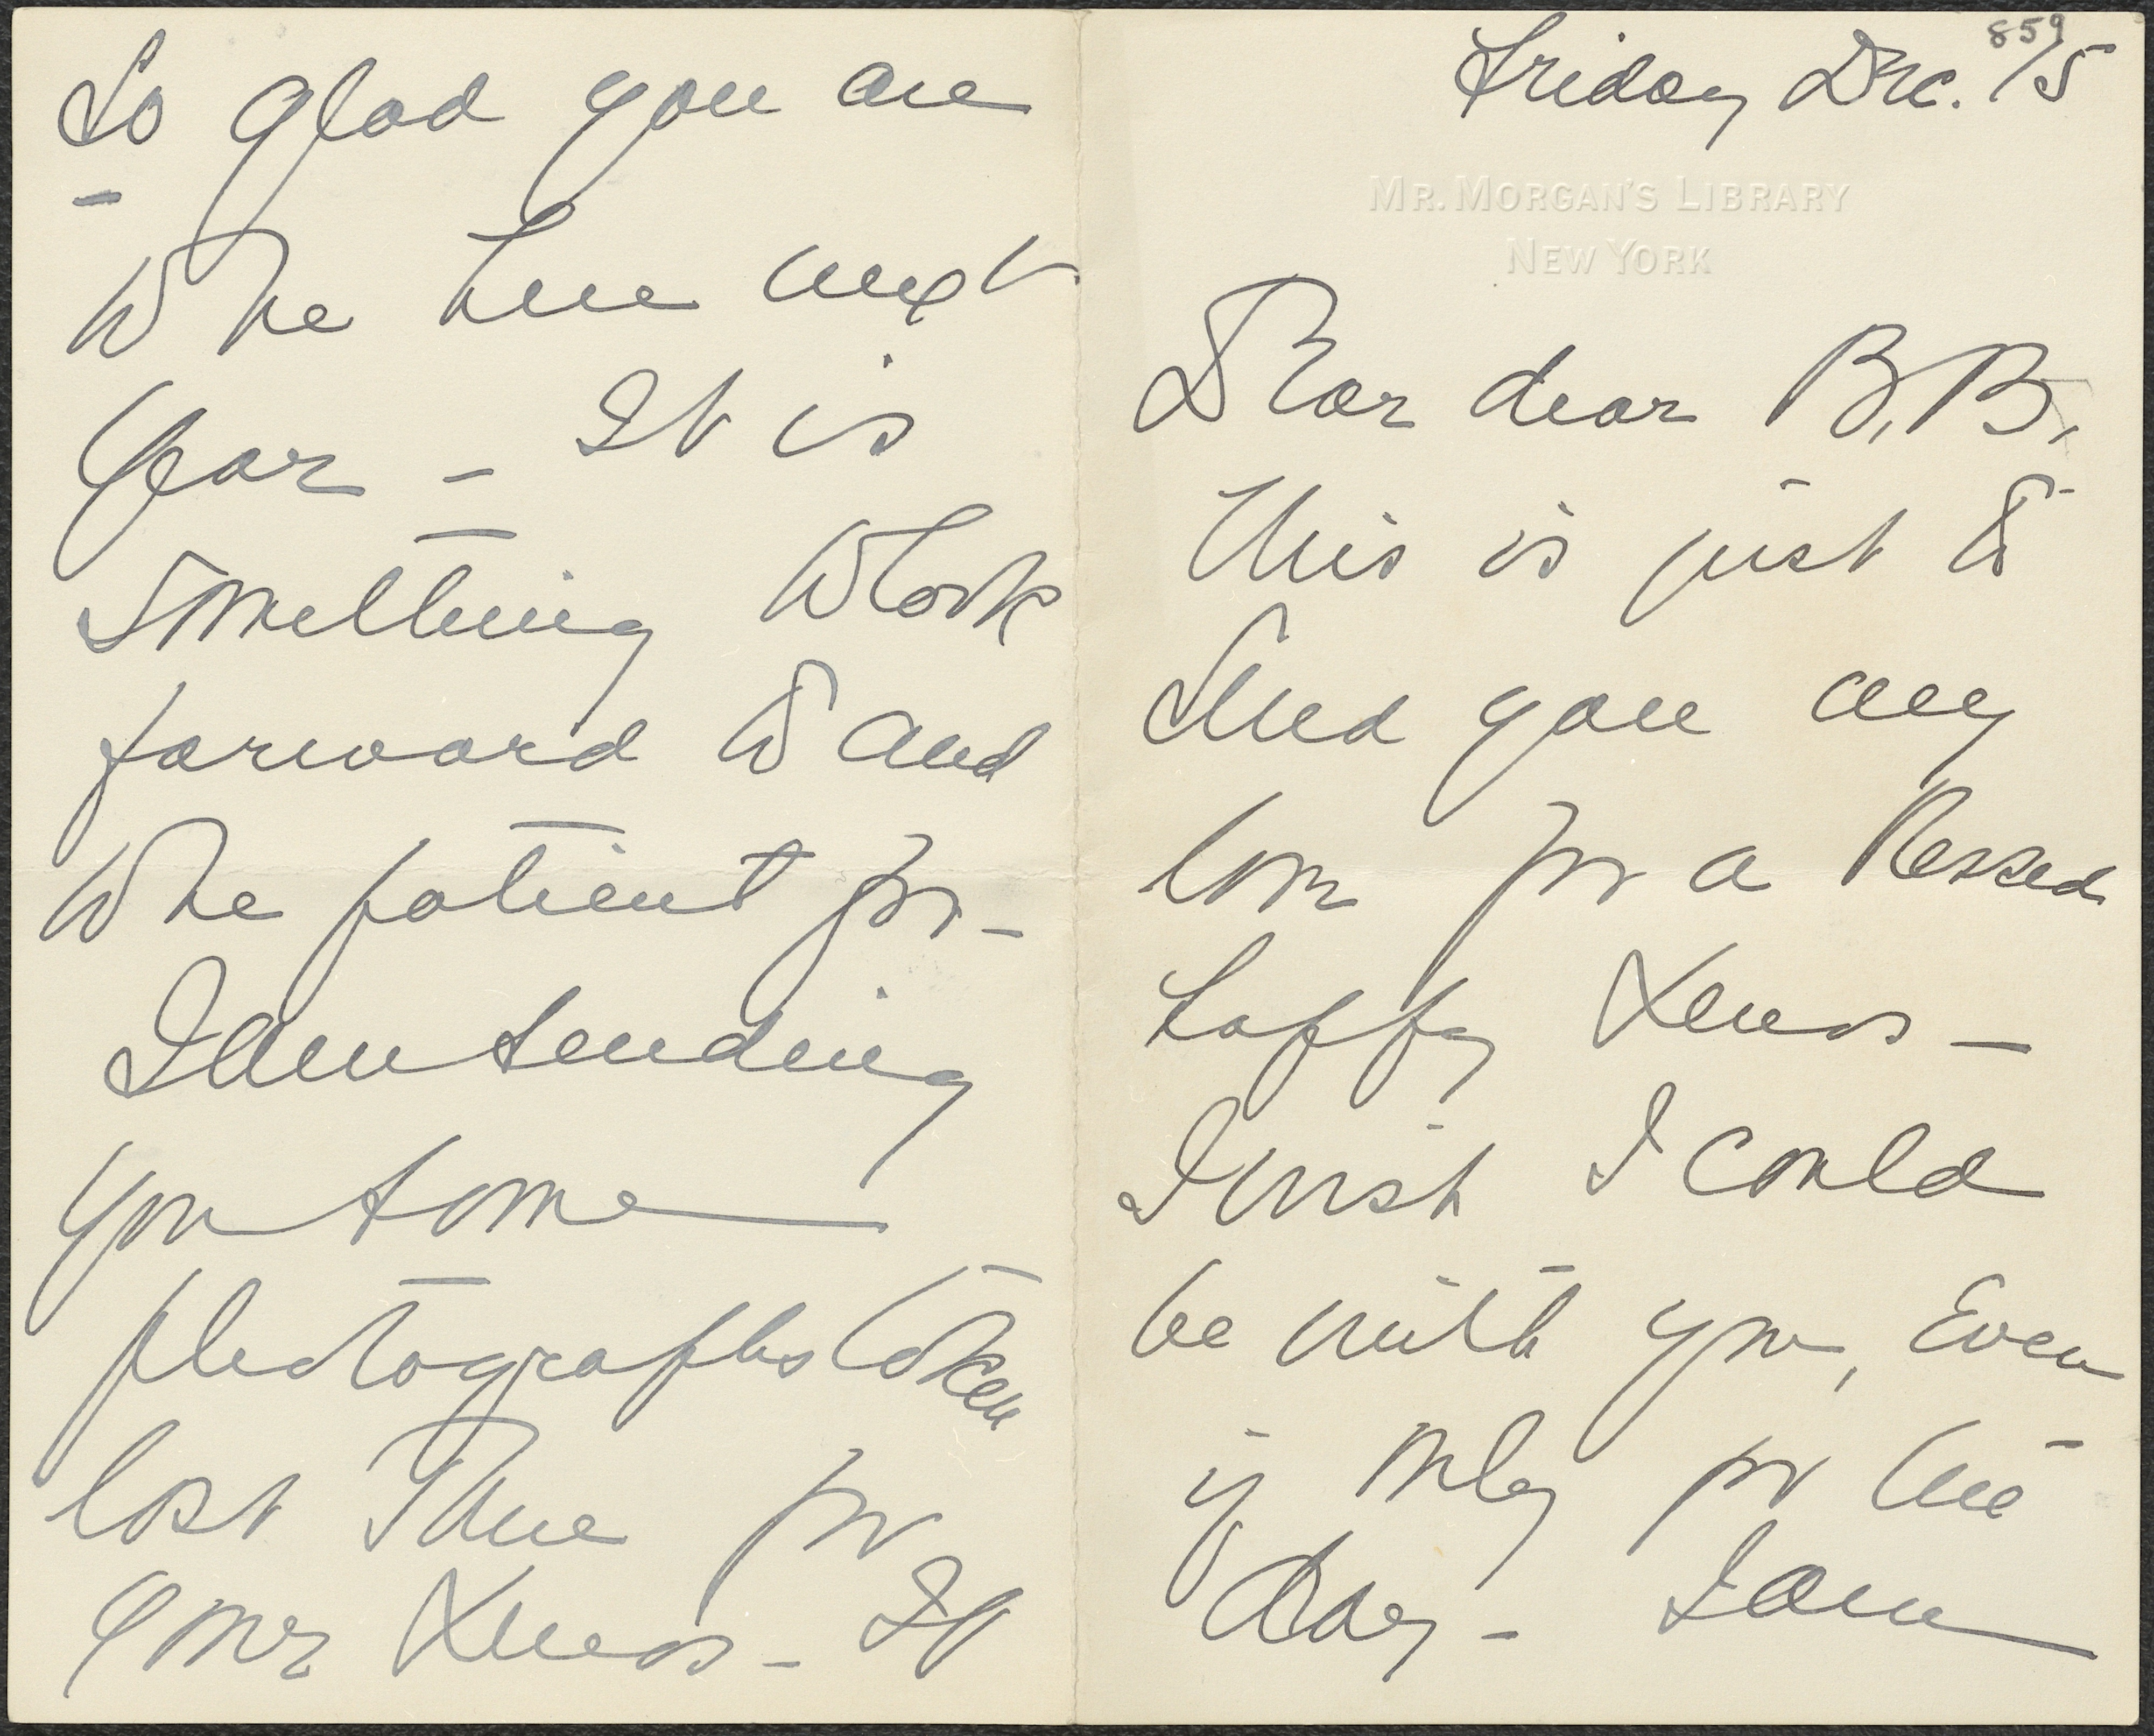Friday Dec. 15
Dear dear B.B.
This is just to send you my love for a blessed happy Xmas – I wish I could be with you, even if only for the day – I am
so glad you are to be here next year – It is something to look forward to and to be patient for – I am sending you some photographs taken last June for your Xmas – If